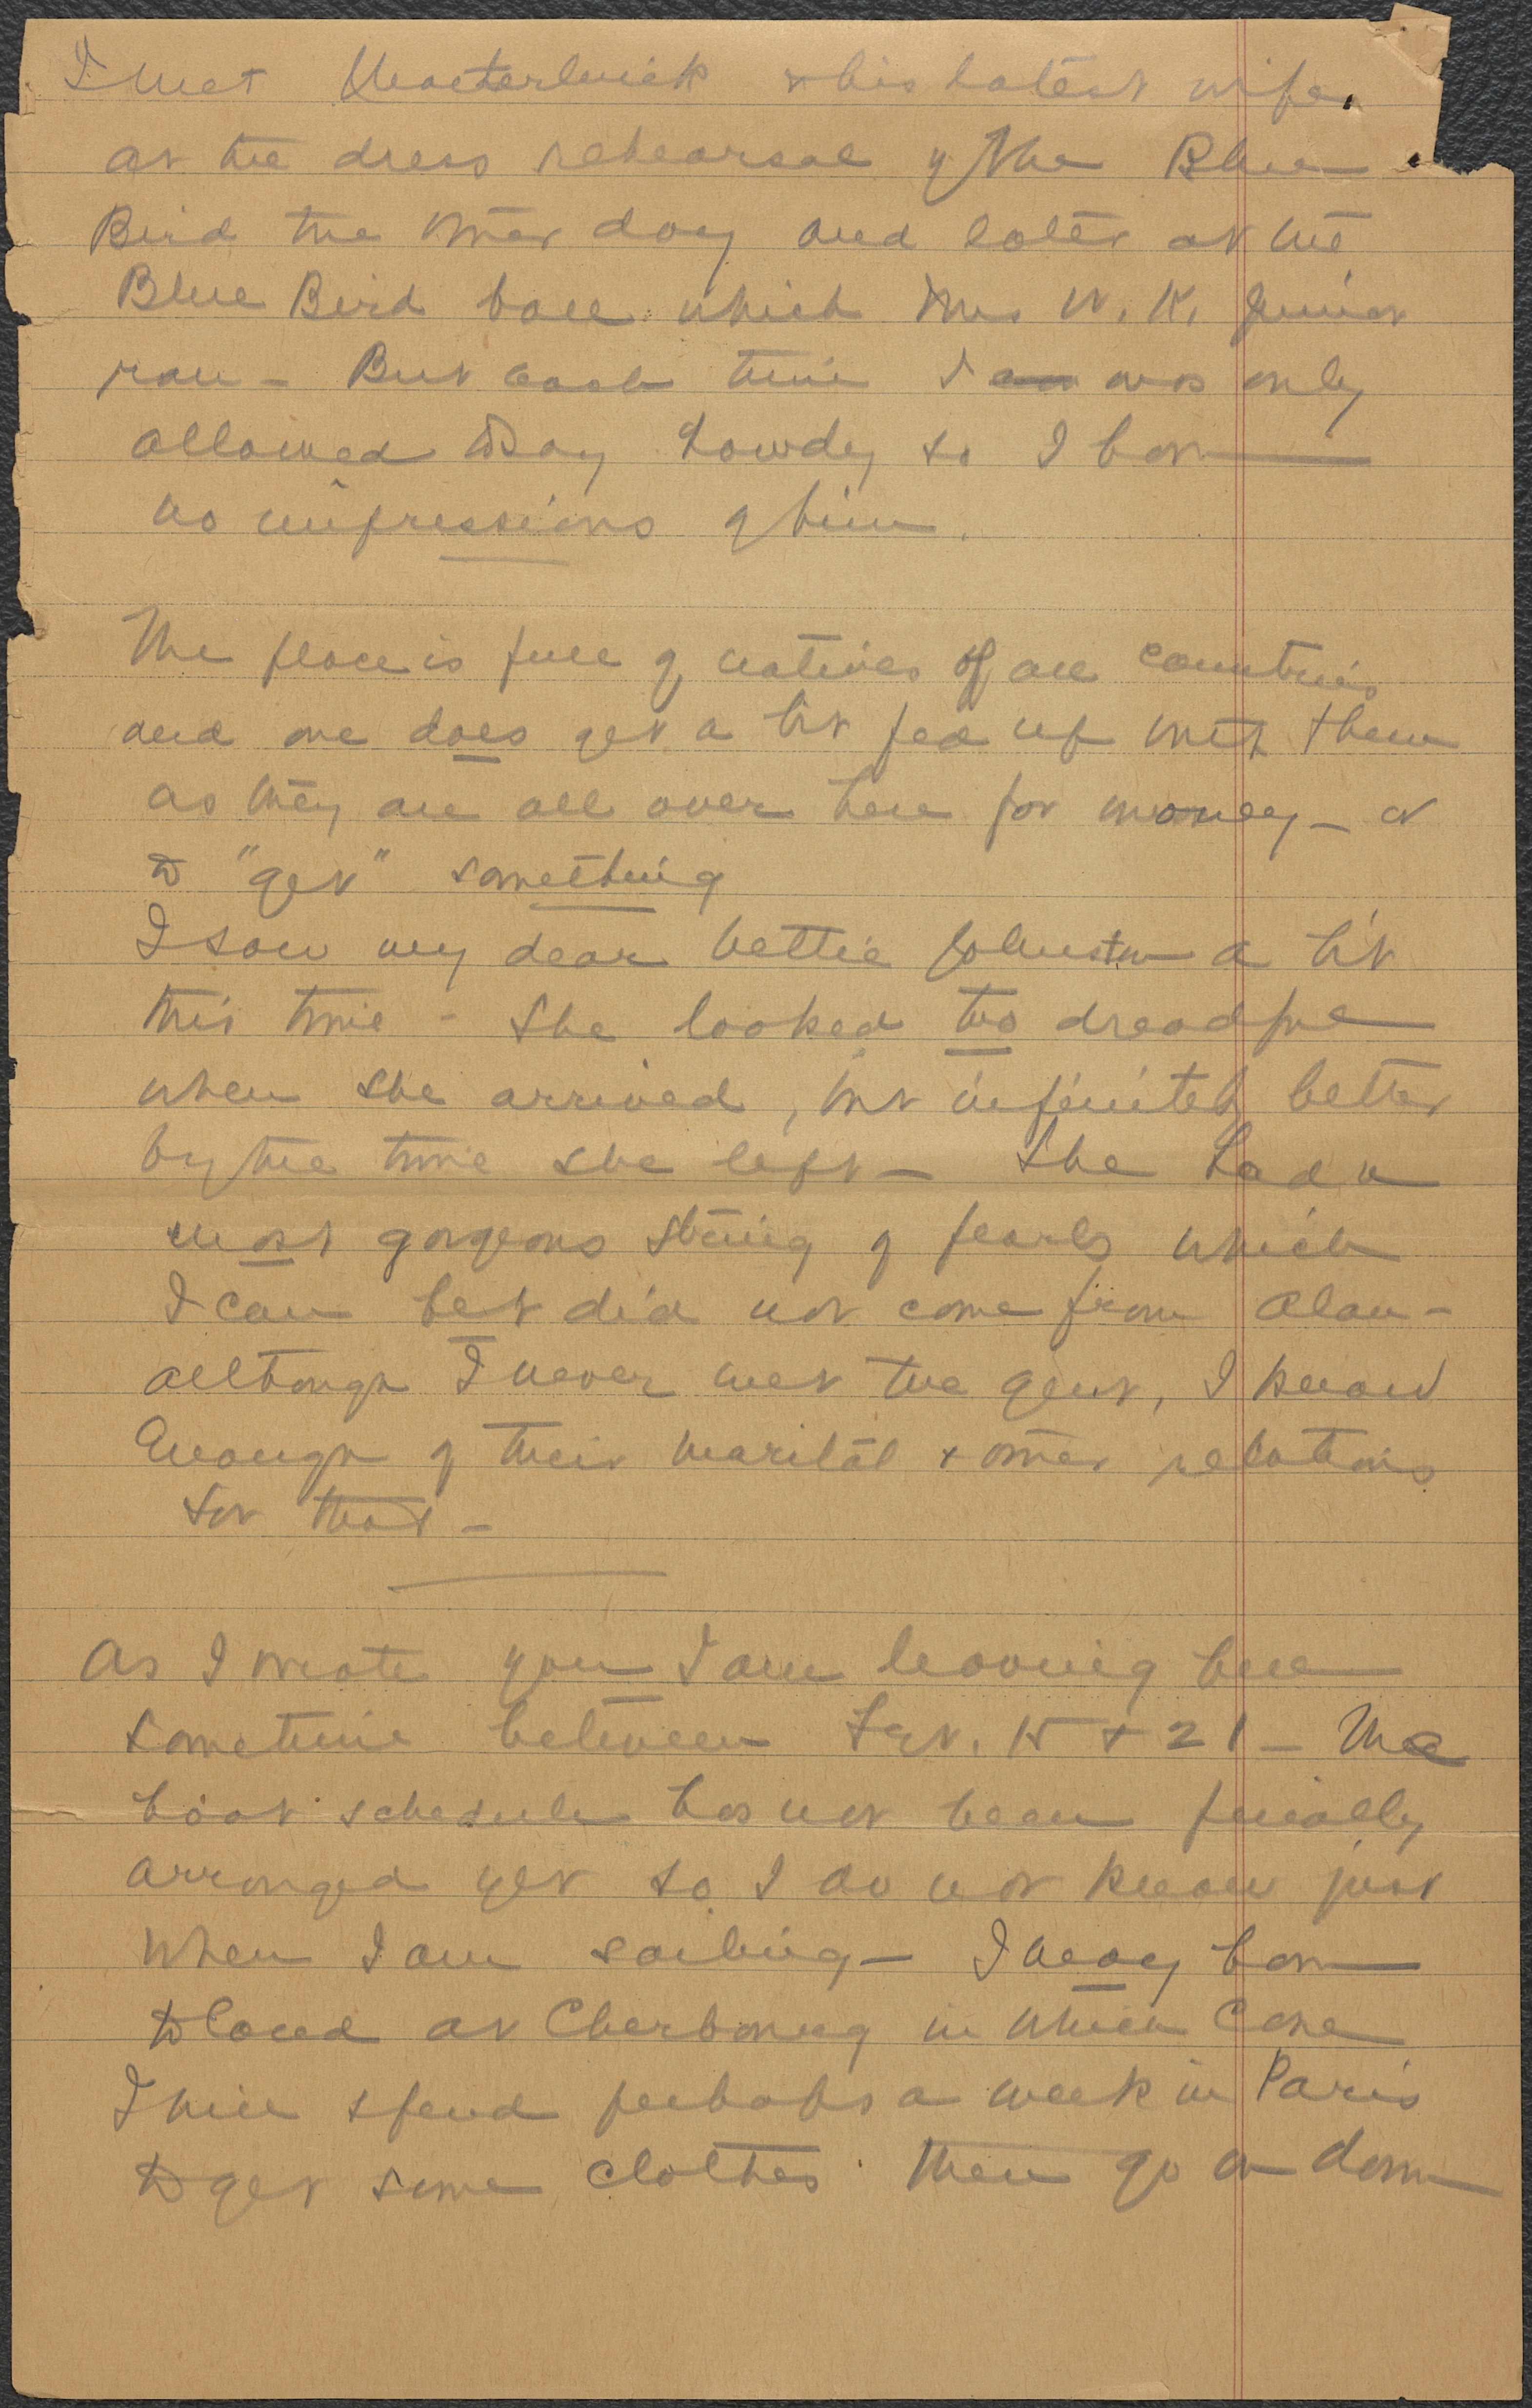I met Maeterlinck & his latest wife at the dress rehearsal of the Blue Bird the other day and later at the Blue Bird ball which Mrs. W.K. Junior ran – But each time I am was only allowed to say howdy so I have no impressions of him.
The place is full of natives of all countries and one does get a bit fed up with them as they are all over here for money – or to "get" something
I saw my dear Bettie Johnston a bit this time – She looked too dreadful when she arrived, but infinitely better by the time she left – She had on the most gorgeous string of pearls which I can bet did not come from Alan – Although I never met the gent, I know enough of their marital & other relations for that –
As I wrote you I am leaving here sometime between Feb. 15 & 21 – The boat schedule has not been finally arranged yet so I do not know just when I am sailing – I may have to land at Cherbourg in which case I will spend perhaps a week in Paris to get some clothes then go on down